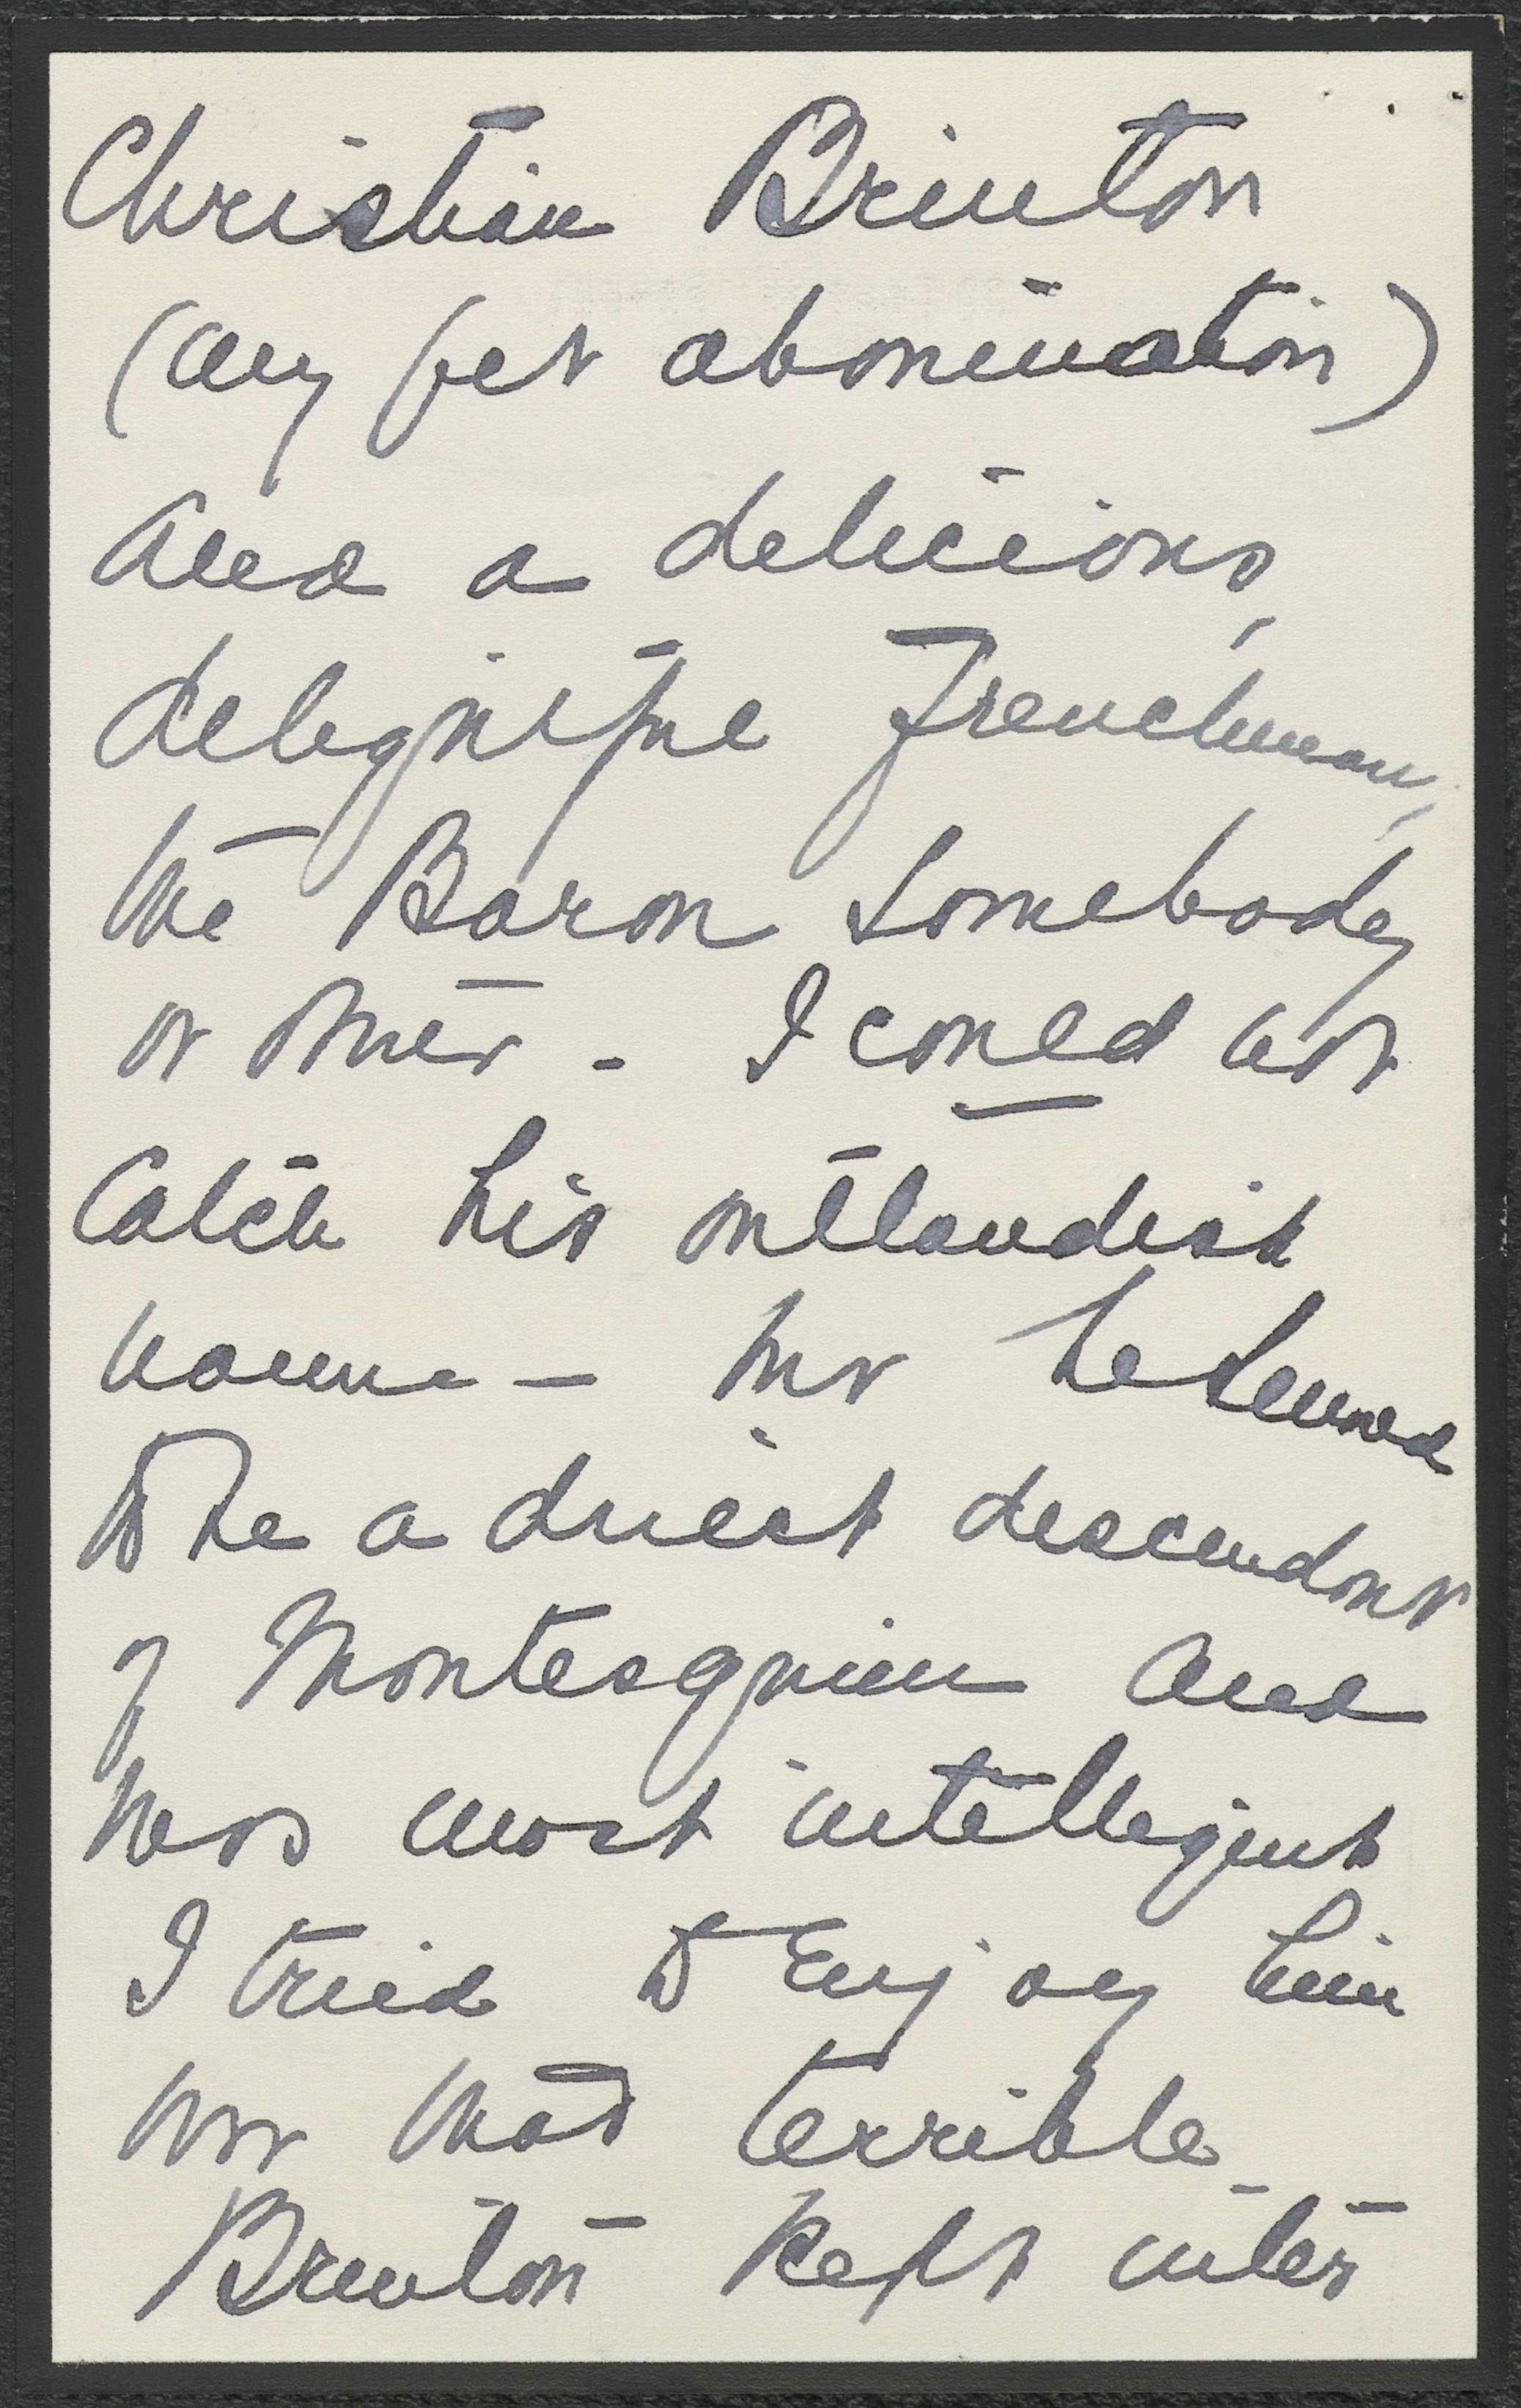Christian Brinton (my pet abomination) and a delicious, delightful frenchman, the Baron somebody or other – I could not catch his outlandish name – but he seemed to be a direct descendant of Montesquieu and was most intelligent. I tried to enjoy him but that terrible Brinton kept interrupting